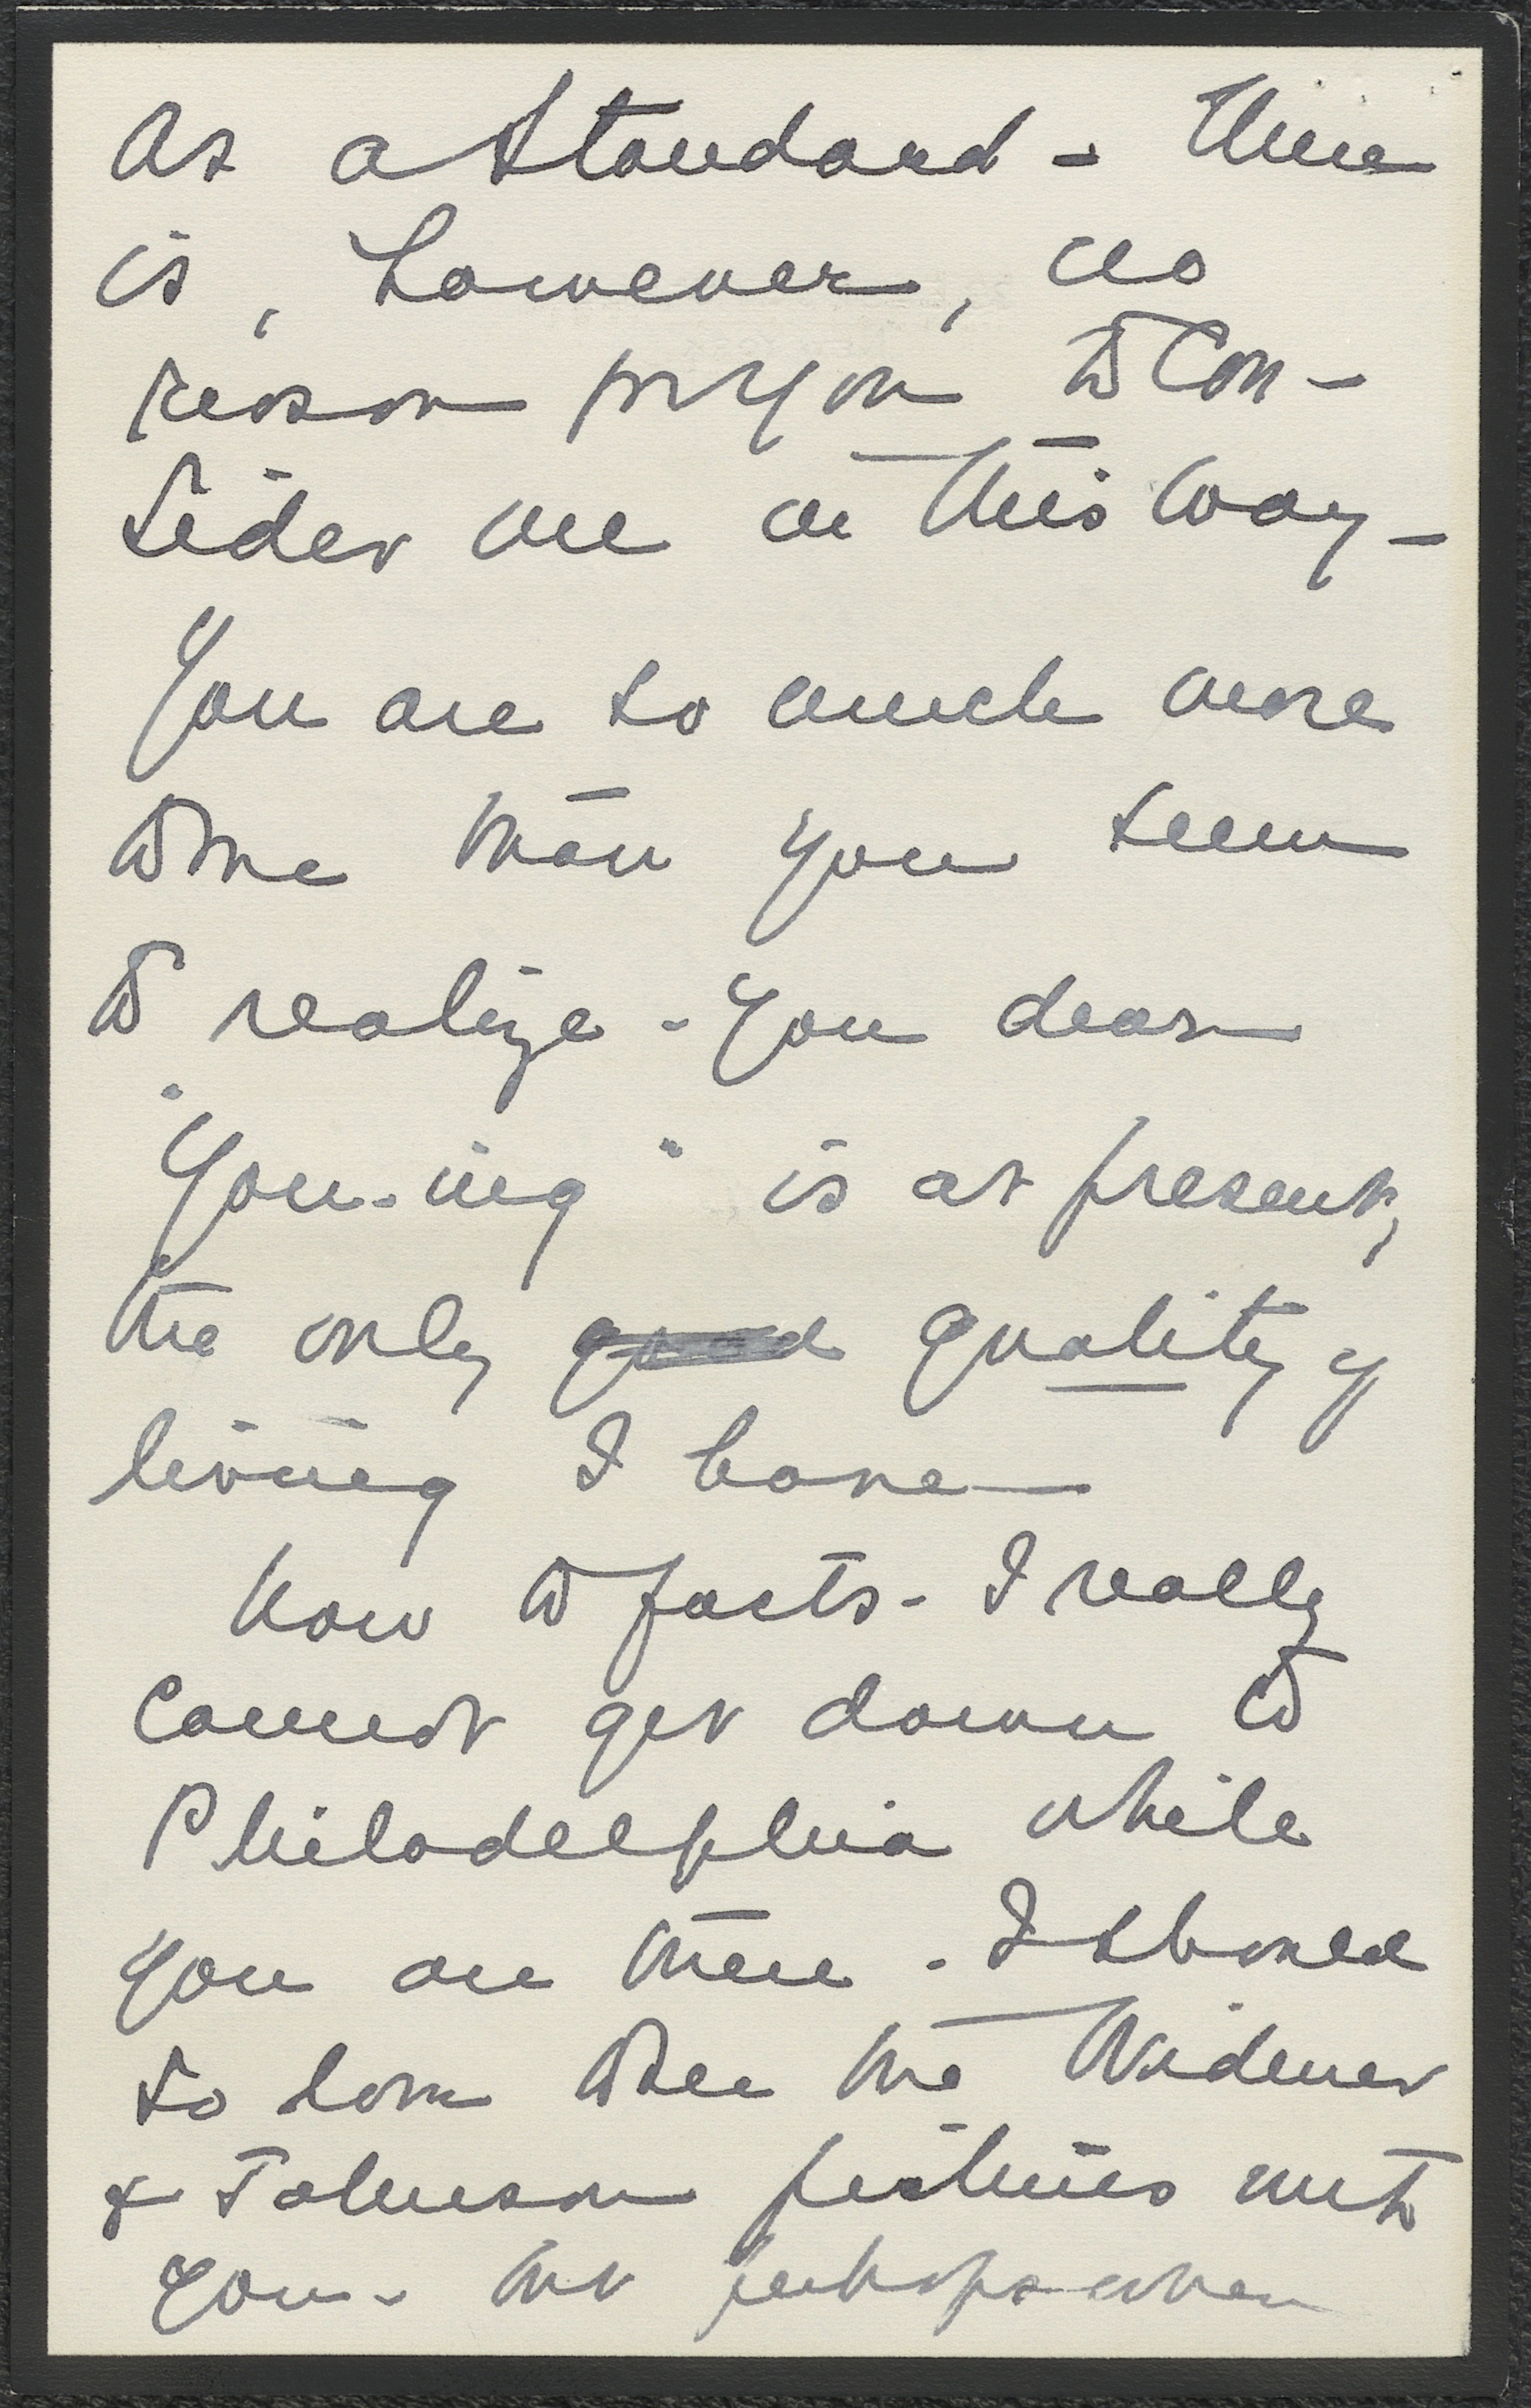as a standard – There is, however, no reason for you to consider me in this way – You are so much more to me than you seem to realize – You dear “You-ing” is at present, the only good quality of living I have –
Now to facts – I really cannot get down to Philadelphia while you are there – I should so love to see the Widener & Johnson pictures with you – but perhaps when